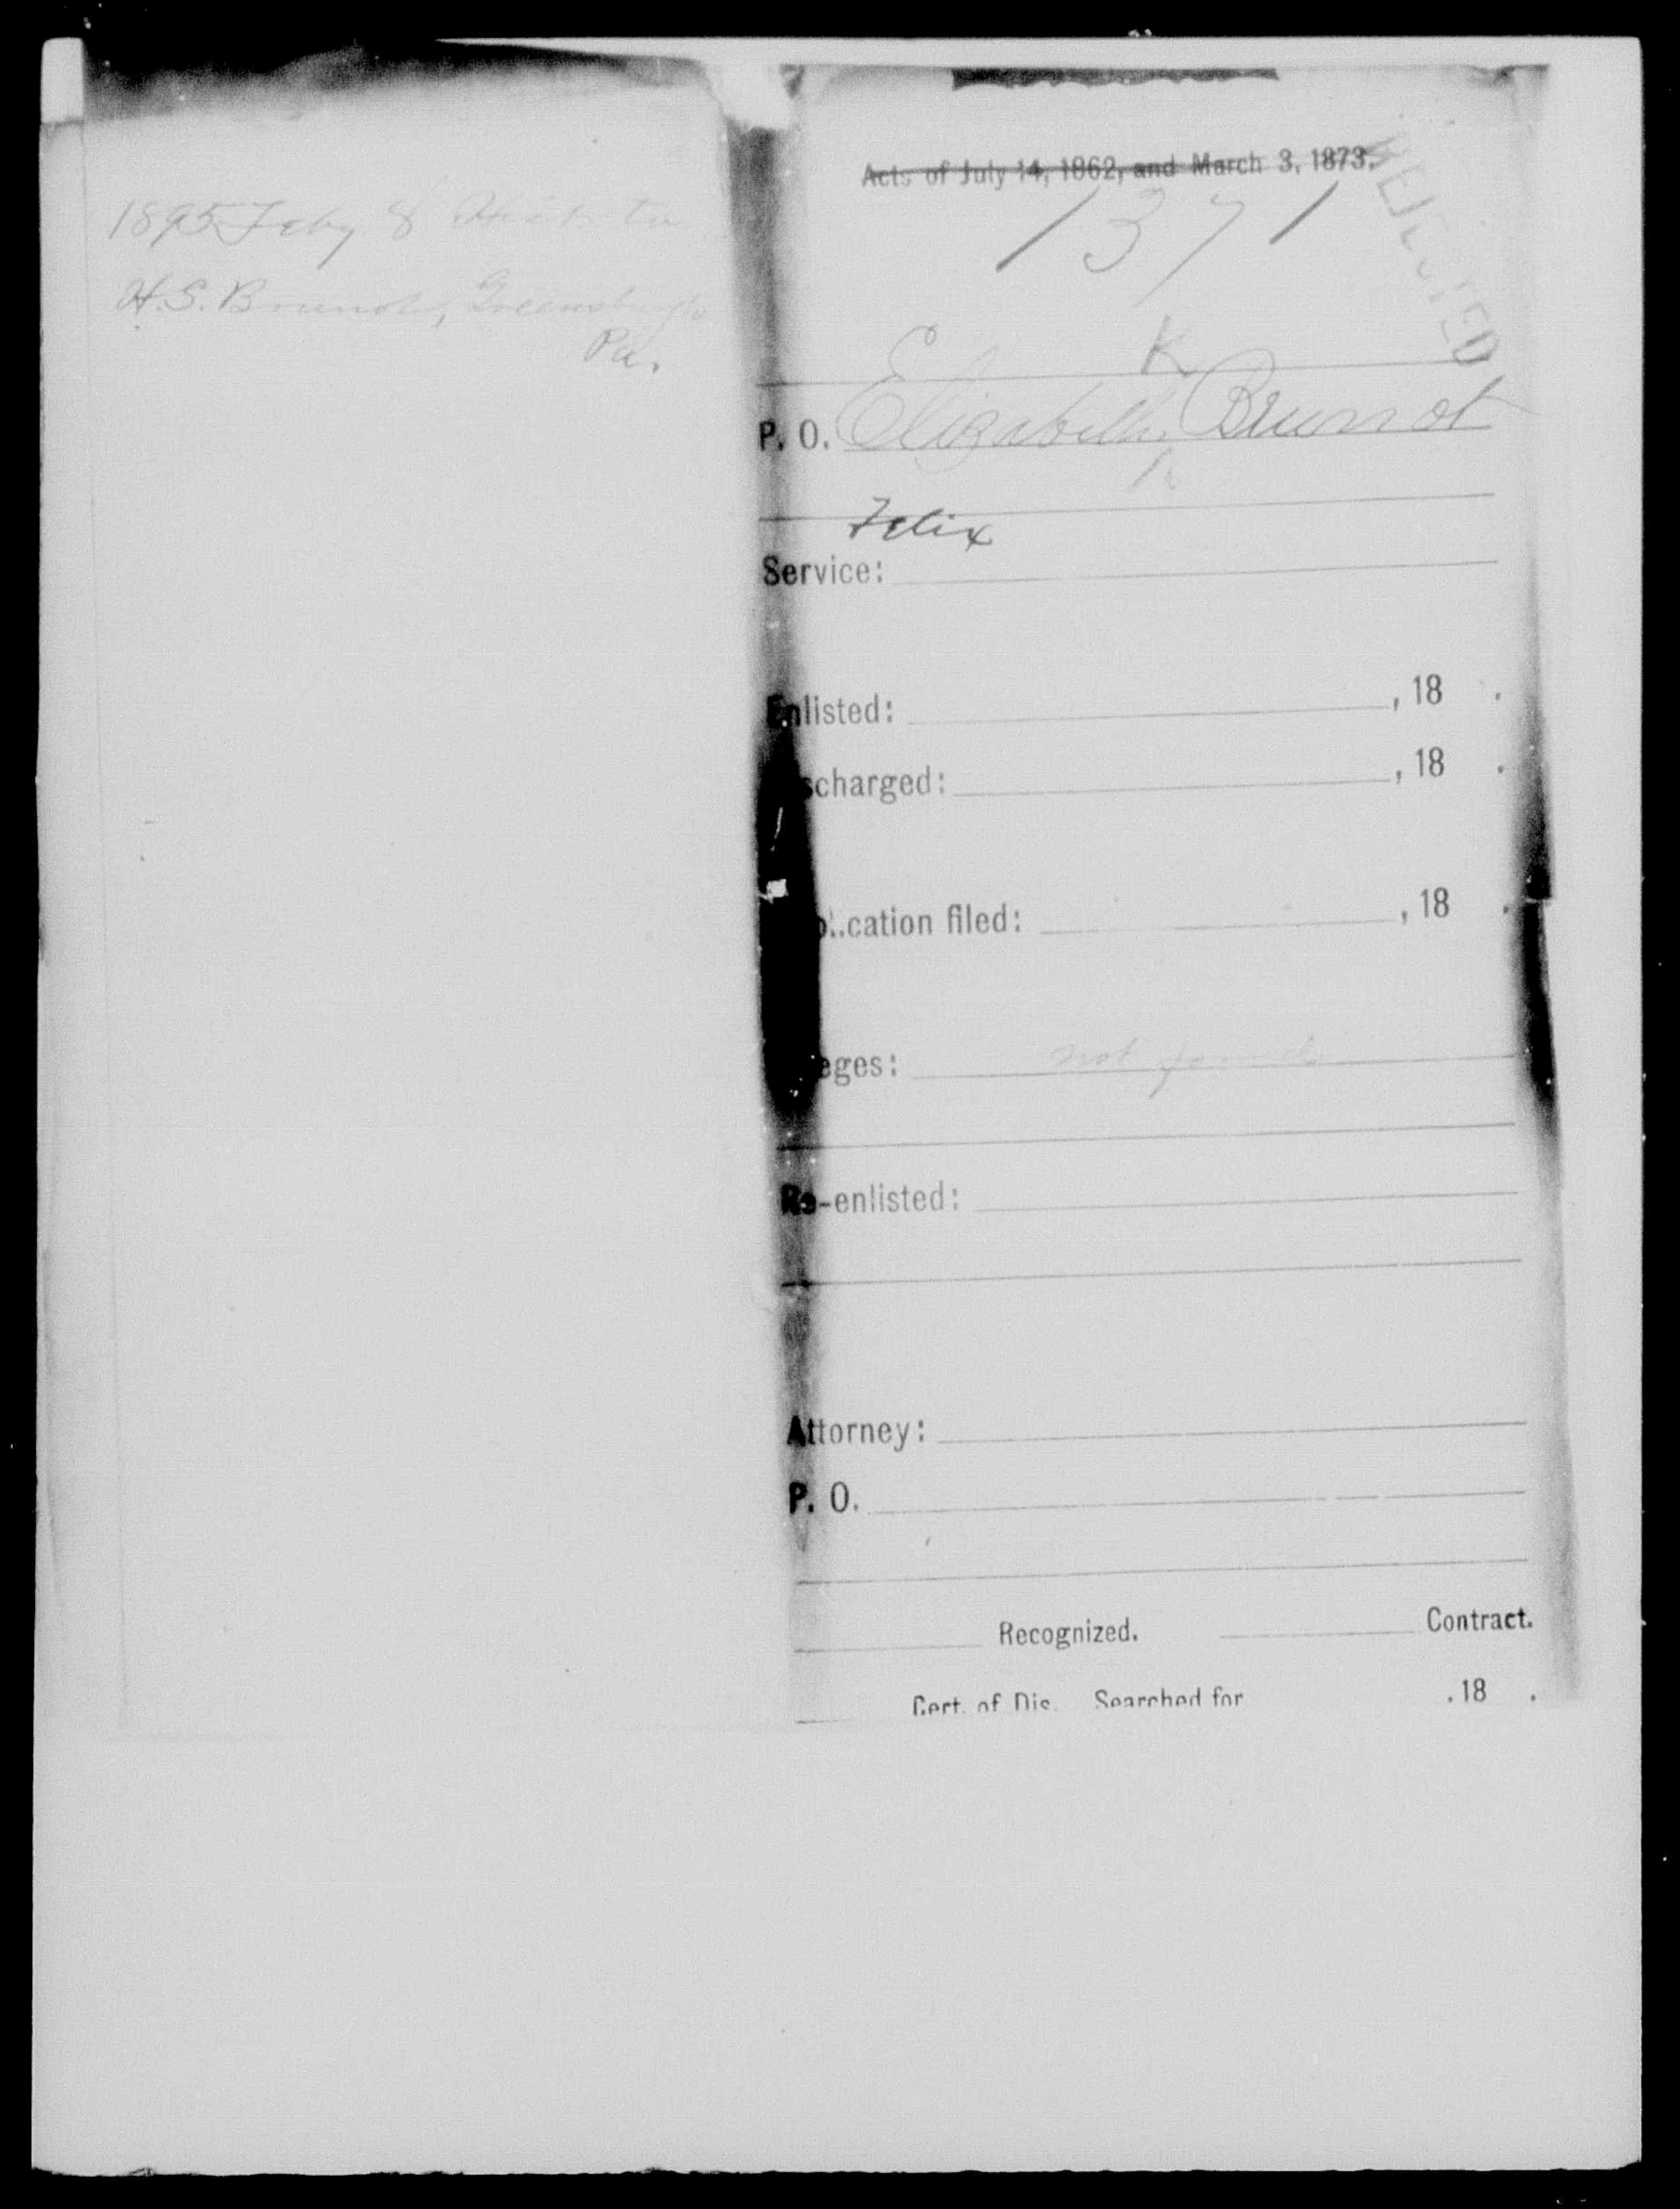1895 Feby [February] 8 [illegible]
H.S. Brunot, Greensburgh, PA
Acts of July 14, 1862, and March 3, 1873 [lined out]
[stamp:] REJECTED
1371
P.O Elizabeth Brunot
Felix
Service: 
Enlisted:      , 18    .
Discharged:   , 18  .
Application filed:   , 18  .
[illegible]eges: not found
Re-enlisted:
Attorney:
P.O.
   Recognized.    Contract.
   Cert. of Dis.  Searched for    , 18   .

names: H S Brunot, Elizabeth Brunot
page: 15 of 34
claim: rejected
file: R. 1371, Felix Brunot, Penn.